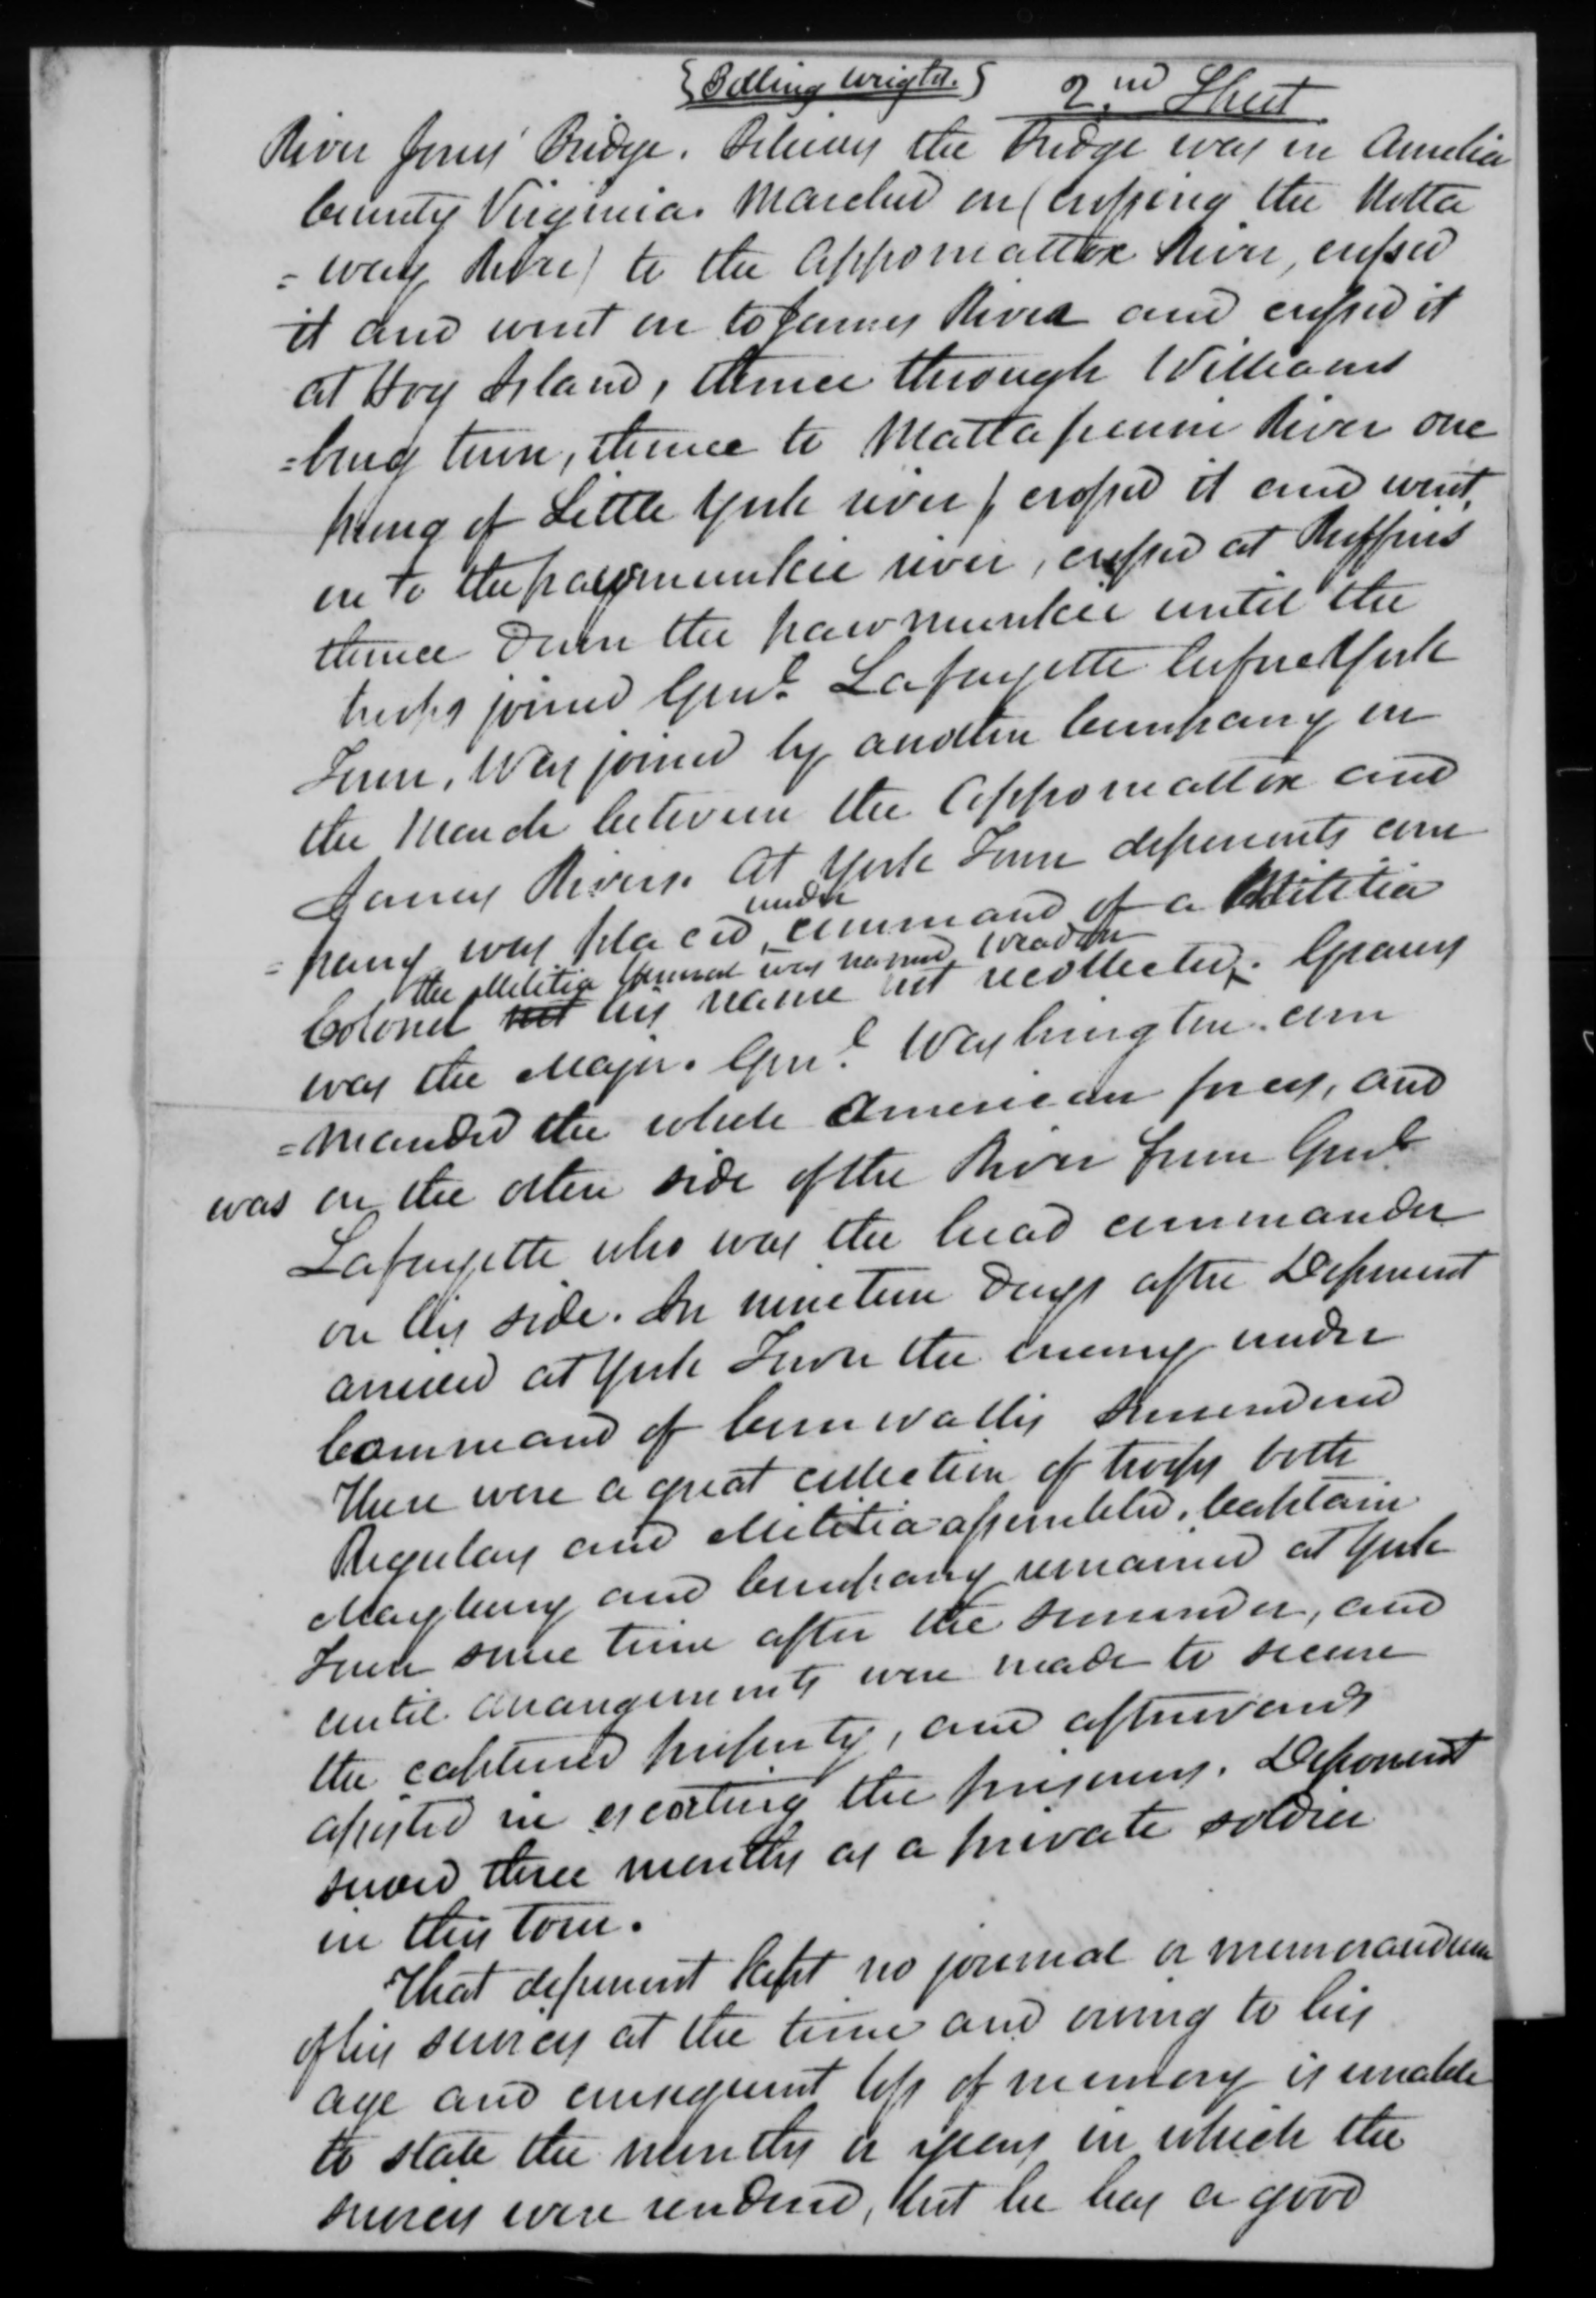{Bolling Wright.} 2nd. Sheet.
River Jones' Bridge. [illegible] the Bridge was in Amelia County Virginia. Marched on (crossing the Nottaway River) to the Appomattox River, crossed it and went on to James River and crossed it at Hay Island, thence through Williamsburg town, thence to Mattapenni River one (of Little York river), crossed it and went in to the Pawmumki River, crossed at Jeffrie's thence down the Pawmunki until the troops joined Genl. Lafayette before York Town, Was joined by another Company in the March between the Appomattox and James River. At York Town deponents company was placed under command of a Militia Colonel his name not recollected. the Militia General was named Weadon. Graves was the Major. Genl. Washington commanded the whole American troops, and was on the other side of the River from Genl. Lafayette who was the lead commander on his side. In nineteen days after Deponent arrived at York Town the enemy under Command of Cornwallis surrendered. There were a great collection of troops both Regulars and Militia assembled, Captain Mayberry and Company remained at York Town some time after the surrender, and until arrangements were made to secure the captured property, and afterwards assisted in escorting the prisoners. Deponent served three months as a private soldier in this tour.
That deponent kept no journal or memorandum of his services at the time and owing to his age and consequent loss of memory is unable to state the months or years in which the services were rendered, but he has a good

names: Washington, Bolling Wright, Lafayette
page: 15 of 81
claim: widow's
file: W. 5183, Bolling Wright, Va.